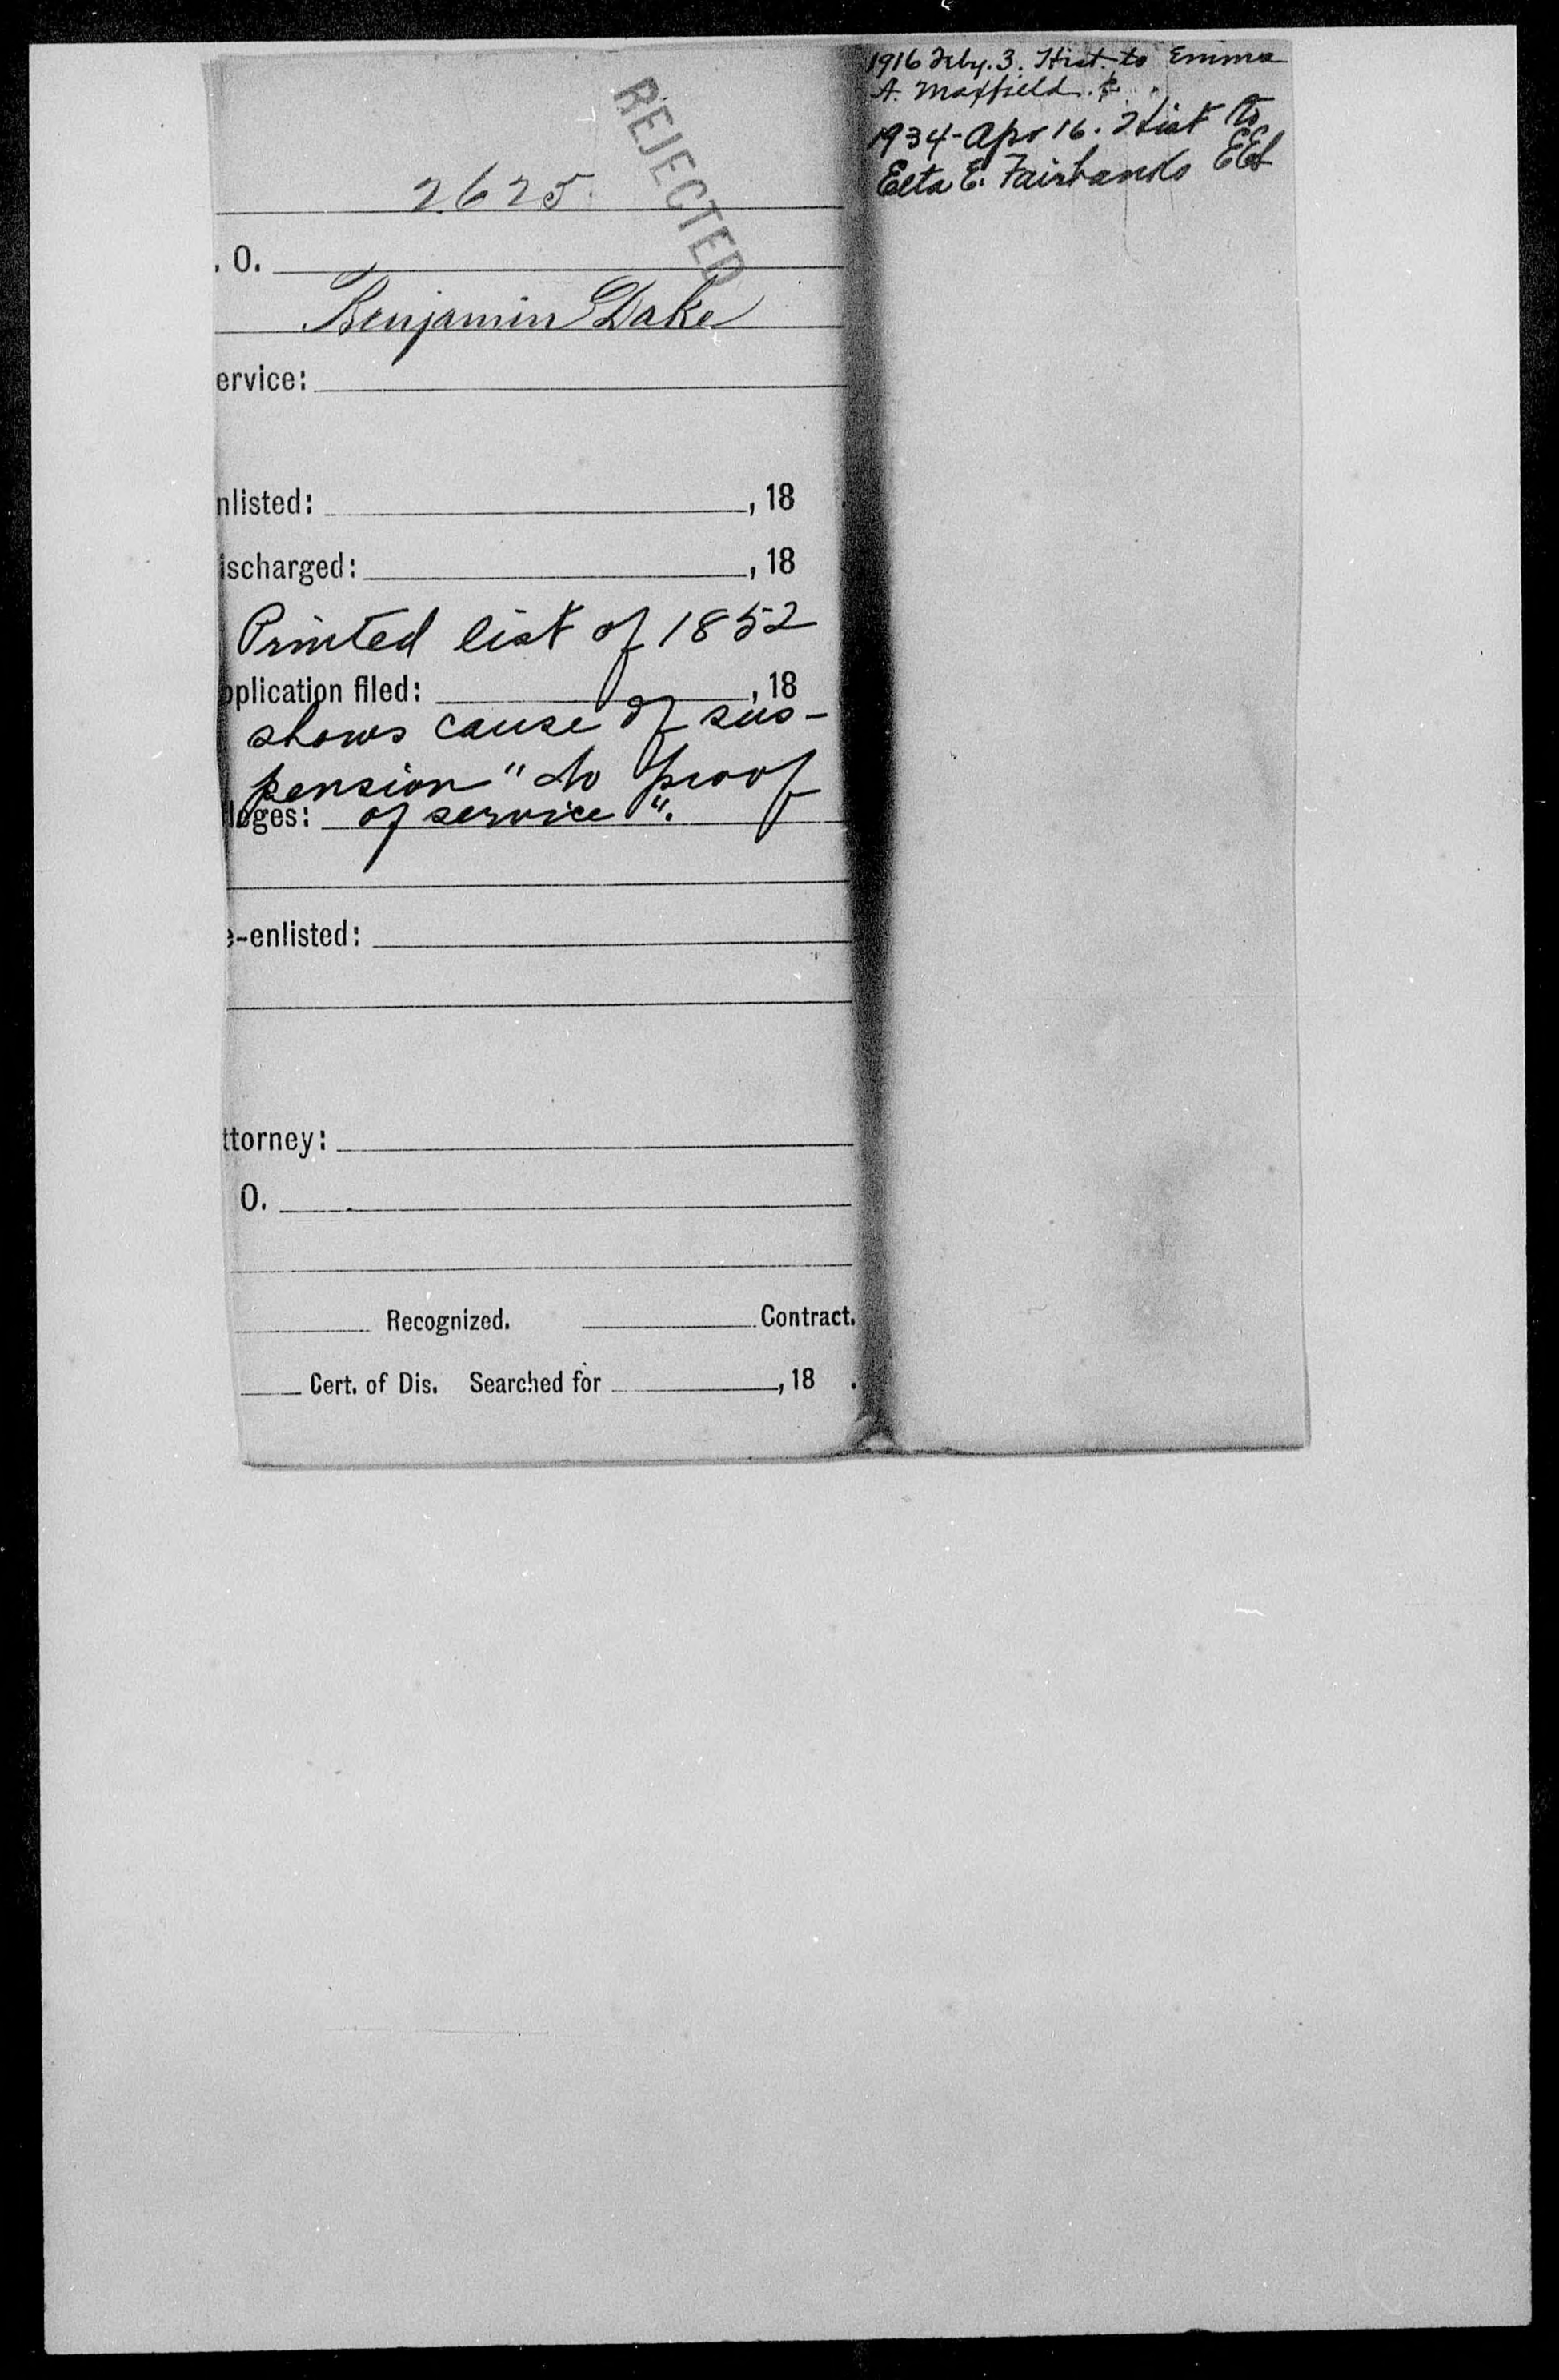2625

Benjamin Dake

[stamped]: REJECTED

Printed list of 1832 shows cause of suspension "no proof of service".

1916 Feby 3 Hist to Emma A. Maxfield
1934 Apr 16 Hist to Etta E Fairbanks EEL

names: Elta E Fairbanks, Benjamin Dake, Emma A Maxfield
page: 7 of 42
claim: rejected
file: R. 2,625, Benjamin Dake, R.I.